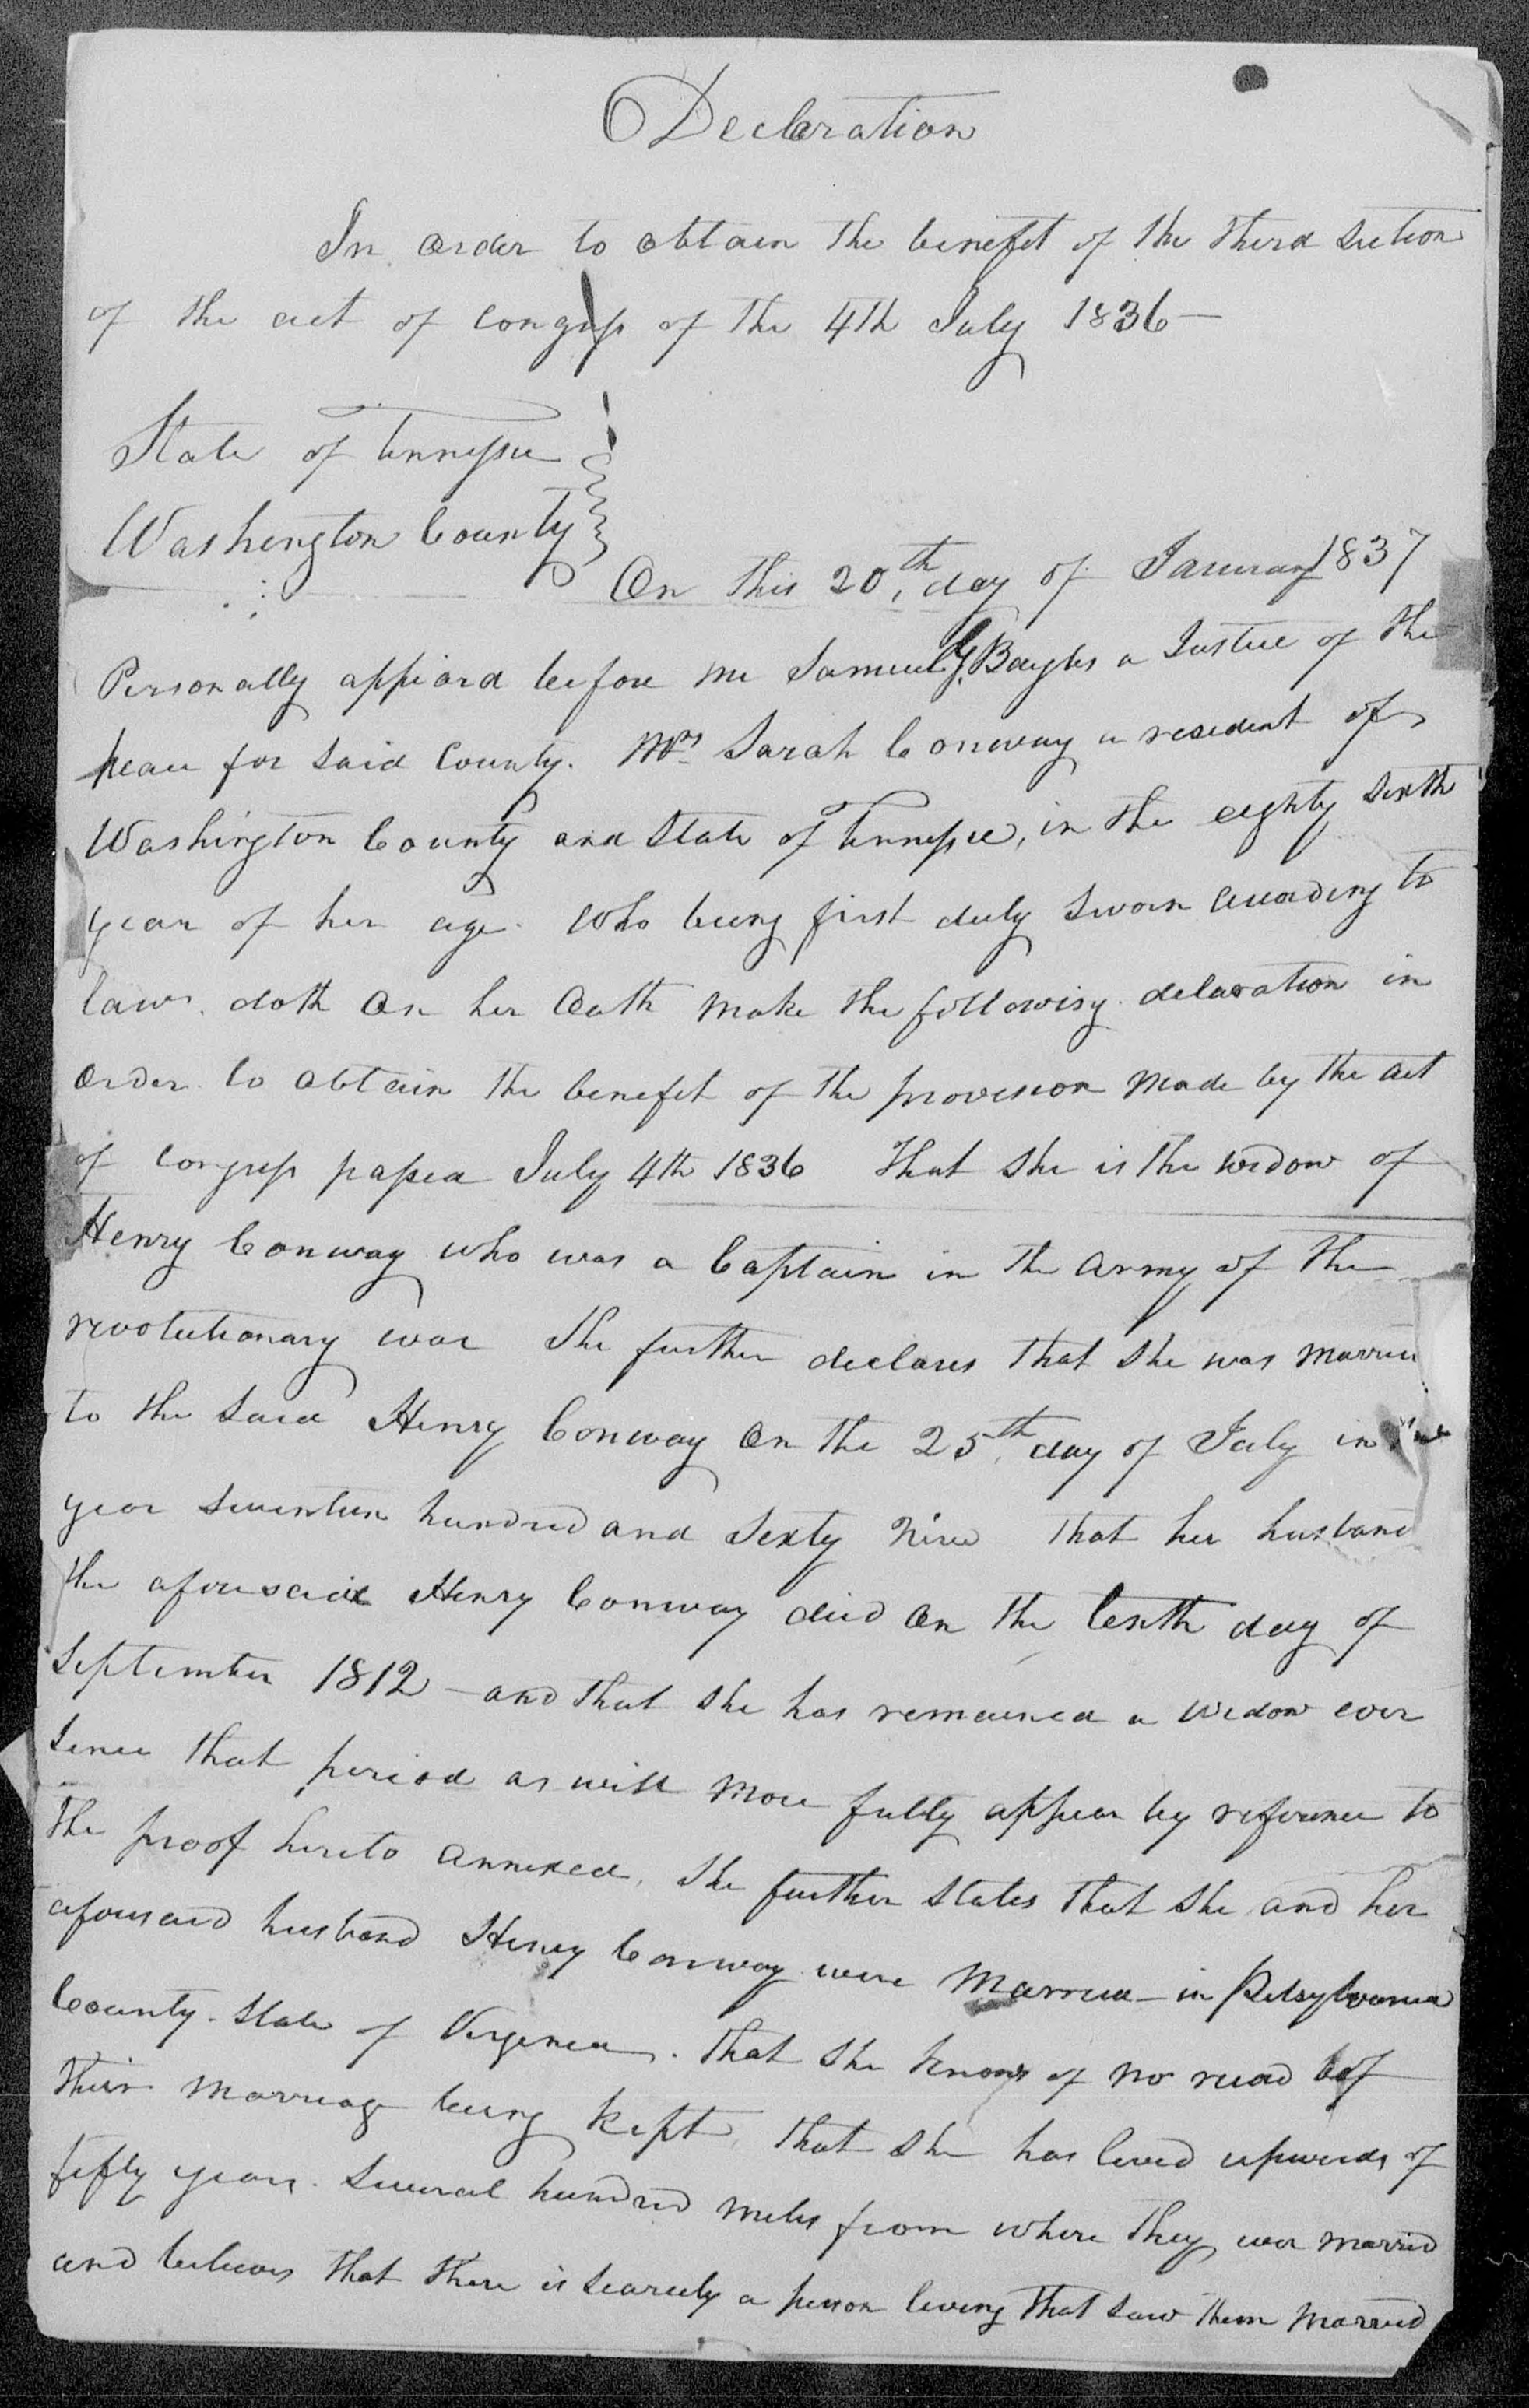Declaration

In order to obtain the benefit of the Third section of the act of Congress of the 4th July 1836

State of Tennessee
Washington County

On this 20th day of January 1837 personally appeared before me Samuel G. Bayles a Justice of the Peace for said County. Mrs. Sarah Conway a resident of Washington County and State of Tennessee, in the eighty sixth year of her age.  who being first duly sworn according to law, doth on her oath make the following declaration in order to obtain the benefit of the provision made by the act of Congress passed July 4th, 1836.  That she is the widow of Henry Conway who was a Captain in the Army of the revolutionary war.  She further declares that she was married to the said Henry Conway on the 25th day of July in the year seventeen hundred and sixty nine.  That her husband the aforesaid Henry Conway died on the tenth day of September 1812 and that she remained a widow ever since that period, as will more fully appear by reference to the proof hereto annexed.  She further states that she and her aforesaid husband Henry Conway were married in Spotsylvania County State of Virginia. That she knows of no record of their marriage being kept.  That she has lived upwards of fifty years.  Several hundred miles from where they were married and believes that there is scarcely a person living that saw them married.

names: Henry Conway, Henry Conway, Henry Conway, Samuel G Bayles, Henry Conway, Sarah Conway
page: 4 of 13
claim: widow's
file: W. 6,719, Henry Conway, Va.